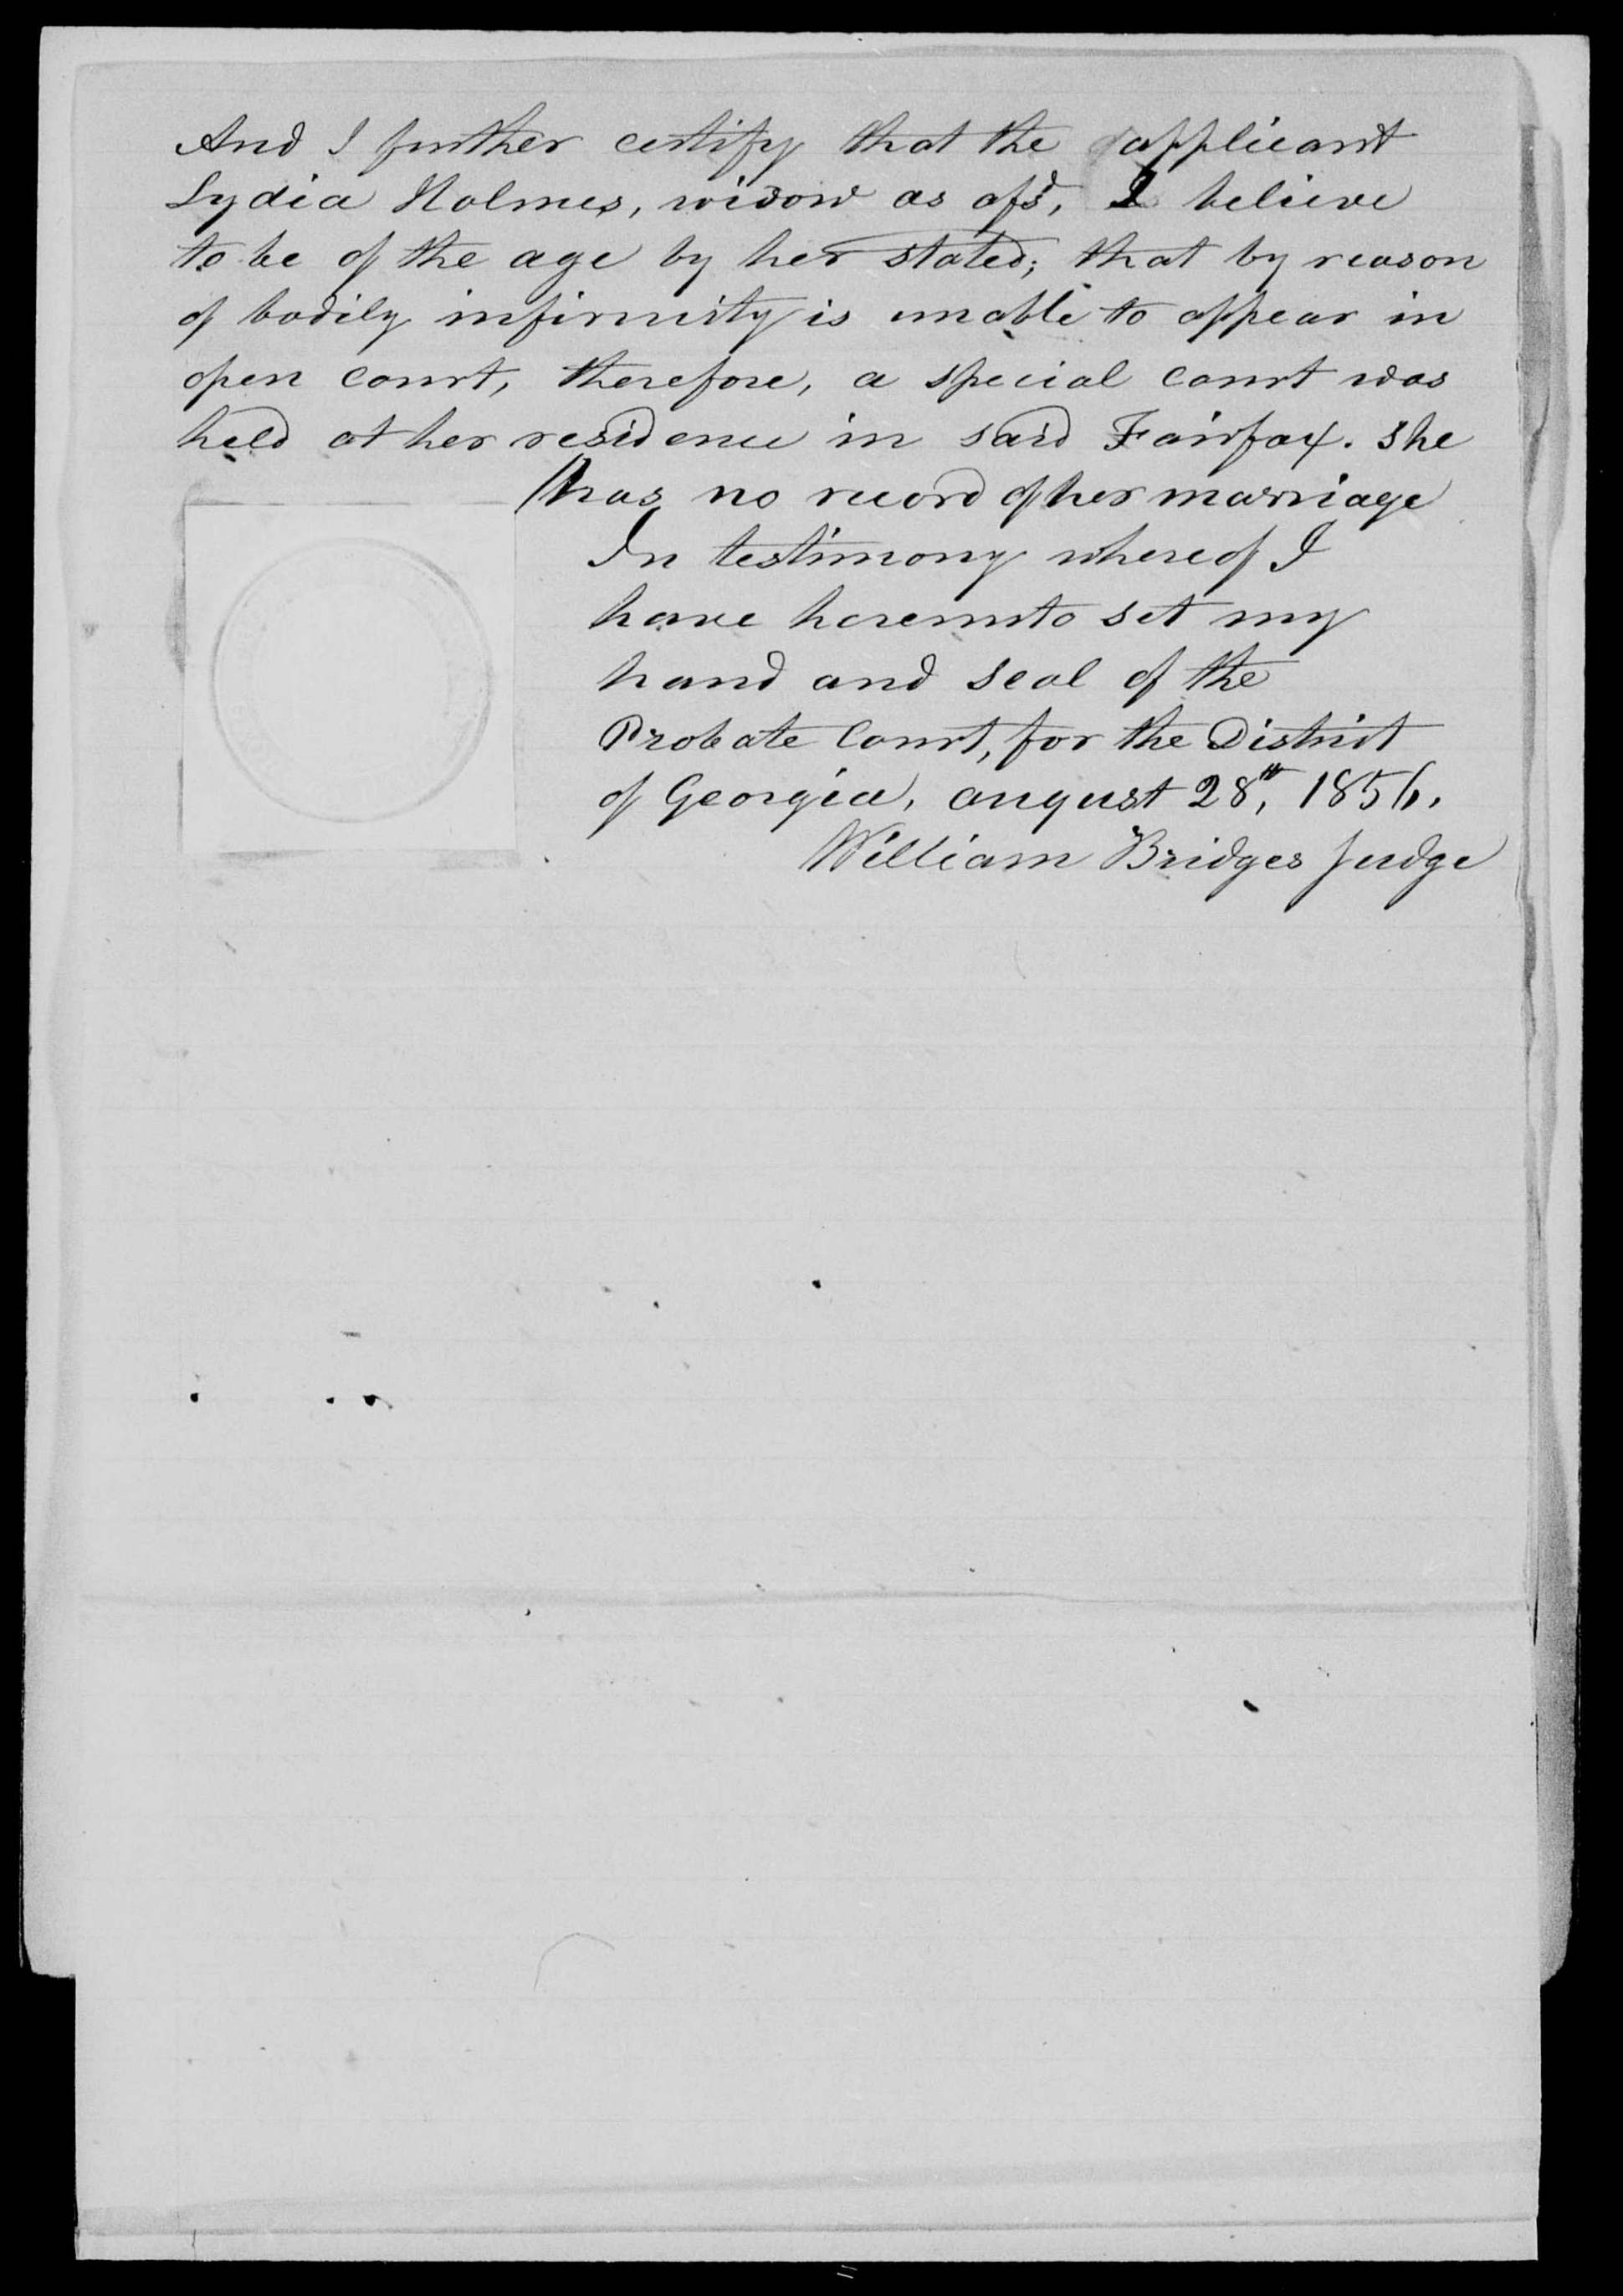And I further certify that the applicant Lydia Holmes, widow as afsd, I believe to be of the age by her stated; that by reason of bodily infirmity is unable to appear in open court, therefore a special court was held at her residence in said Fairfax. She has no record of her marriage. In testimony whereof I have hereunto set my hand and seal of the Probate Court, for the District of Georgia, August 28th, 1856, William Bridges Judge

[faded stamp of seal of the Probate Court]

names: Lydia Holmes, William Bridges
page: 19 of 72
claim: widow's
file: W. 7771, Stephen Holmes, Vt.